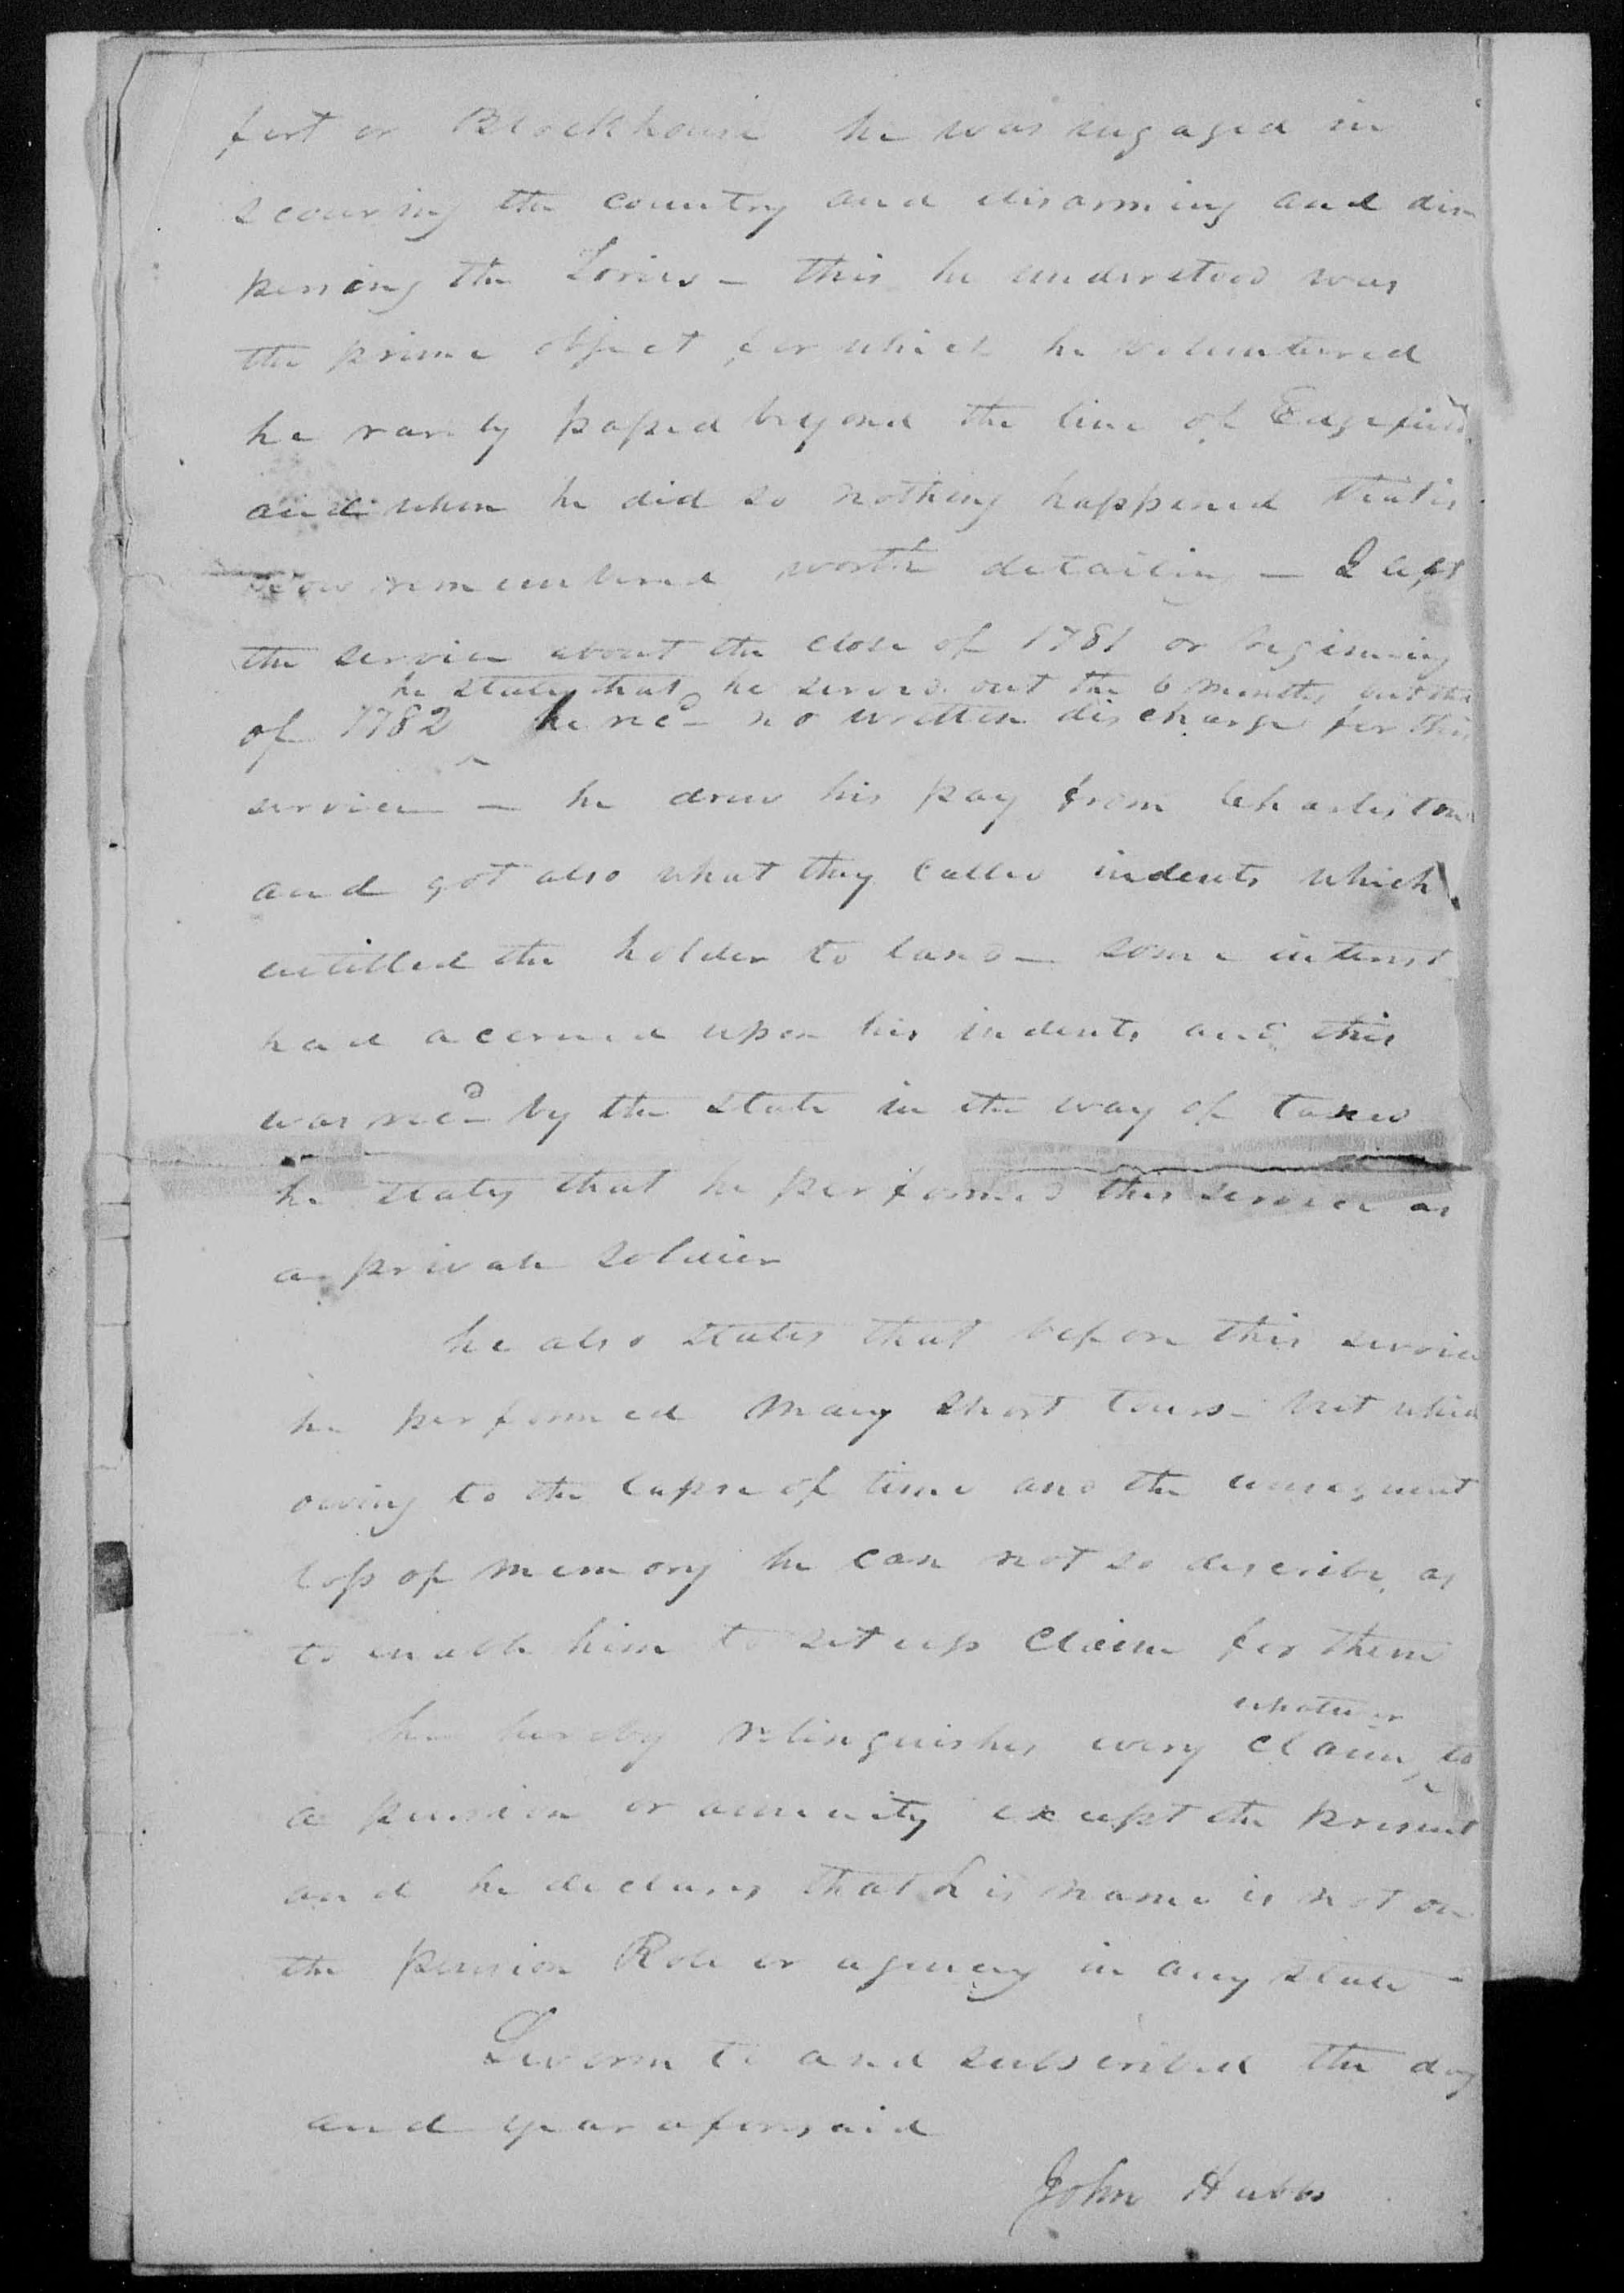fort or Blackhorn  he was engaged in scouring the country and  disarming and dispensing the Tories - this he  understood was the prime object  for which he volunteered he ran by  passed beyond the line of Edgefield and when he did so nothing happened that is not remembered with detail - I left the service about the close of 1781  or beginning of 1782  ( he states that he served out the six months  but that he  rec'd no written discharge for this service ) he drew his pay from Charleston  and got also what they called indents which entitled the owner to lands  - some interest had accrued upon his indents and this was  rec'd by the State in its way of  token  he states that he  performed this service as a private soldier. He also states that before this service her performed many short tours but which owing to the lapse of time  and the consequent loss of memory he cannot  so describe as to enable him to set up claim for them.  He hereby relinquishes every claim  whatever to a pension or annuity except the present  and he declares that is name is not on the pension  Roll or agency in any State. Sworn and subscribed the day and year aforesaid  John Hubbs ( signed )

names: John Hubbs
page: 7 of 86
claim: widow's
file: W. 1035, John Hubbs, S.C.